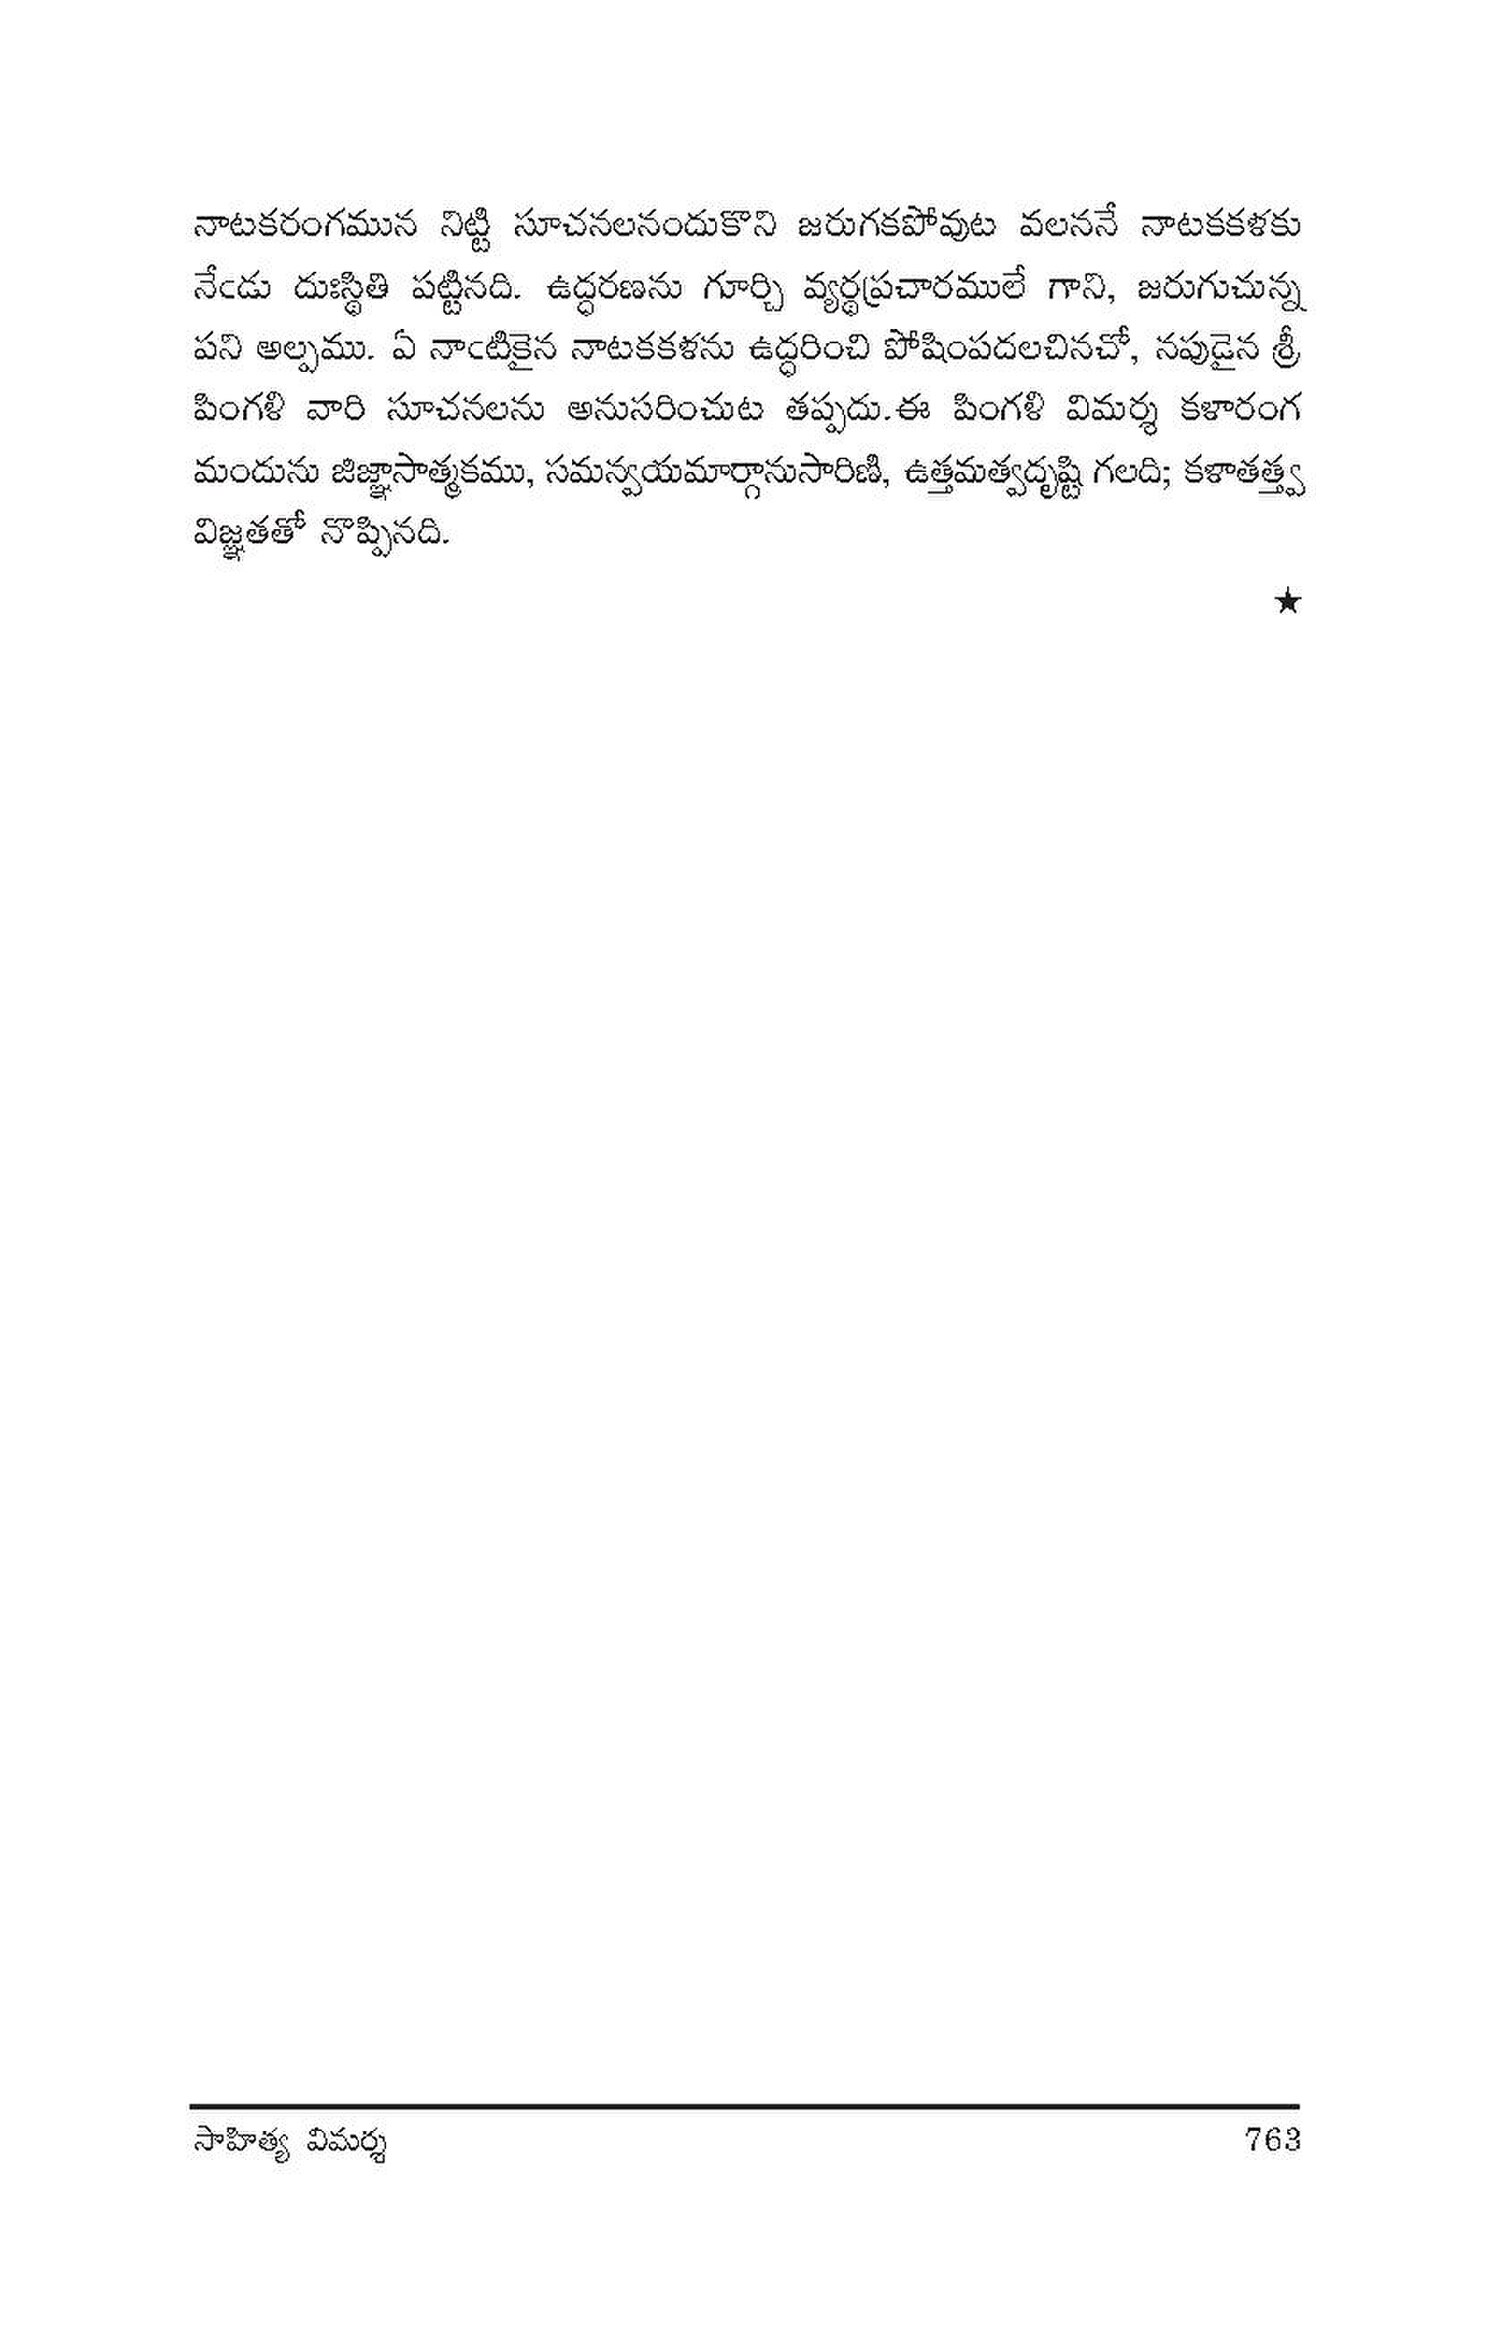నాటకరంగమున నిట్టి సూచనలనందుకొని జరుగకపోవుట వలననే నాటకకళకు నేఁడు దుఃస్థితి పట్టినది. ఉద్ధరణను గూర్చి వ్యర్థప్రచారములో గాని, జరుగుచున్న పని అల్పము. ఏ నాఁటికైన నాటకకళను ఉద్ధరించి పోషింపదలచినచో, నపుడైన శ్రీ
పింగళి వారి సూచనలను అనుసరించుట తప్పదు. ఈ పింగళి విమర్శ కళారంగ మందును జిజ్ఞాసాత్మకము, సమన్వయమార్గానుసారిణి, ఉత్తమత్వదృష్టి గలది; కళాతత్త్వ
విజ్ఞతతో నొప్పినది.